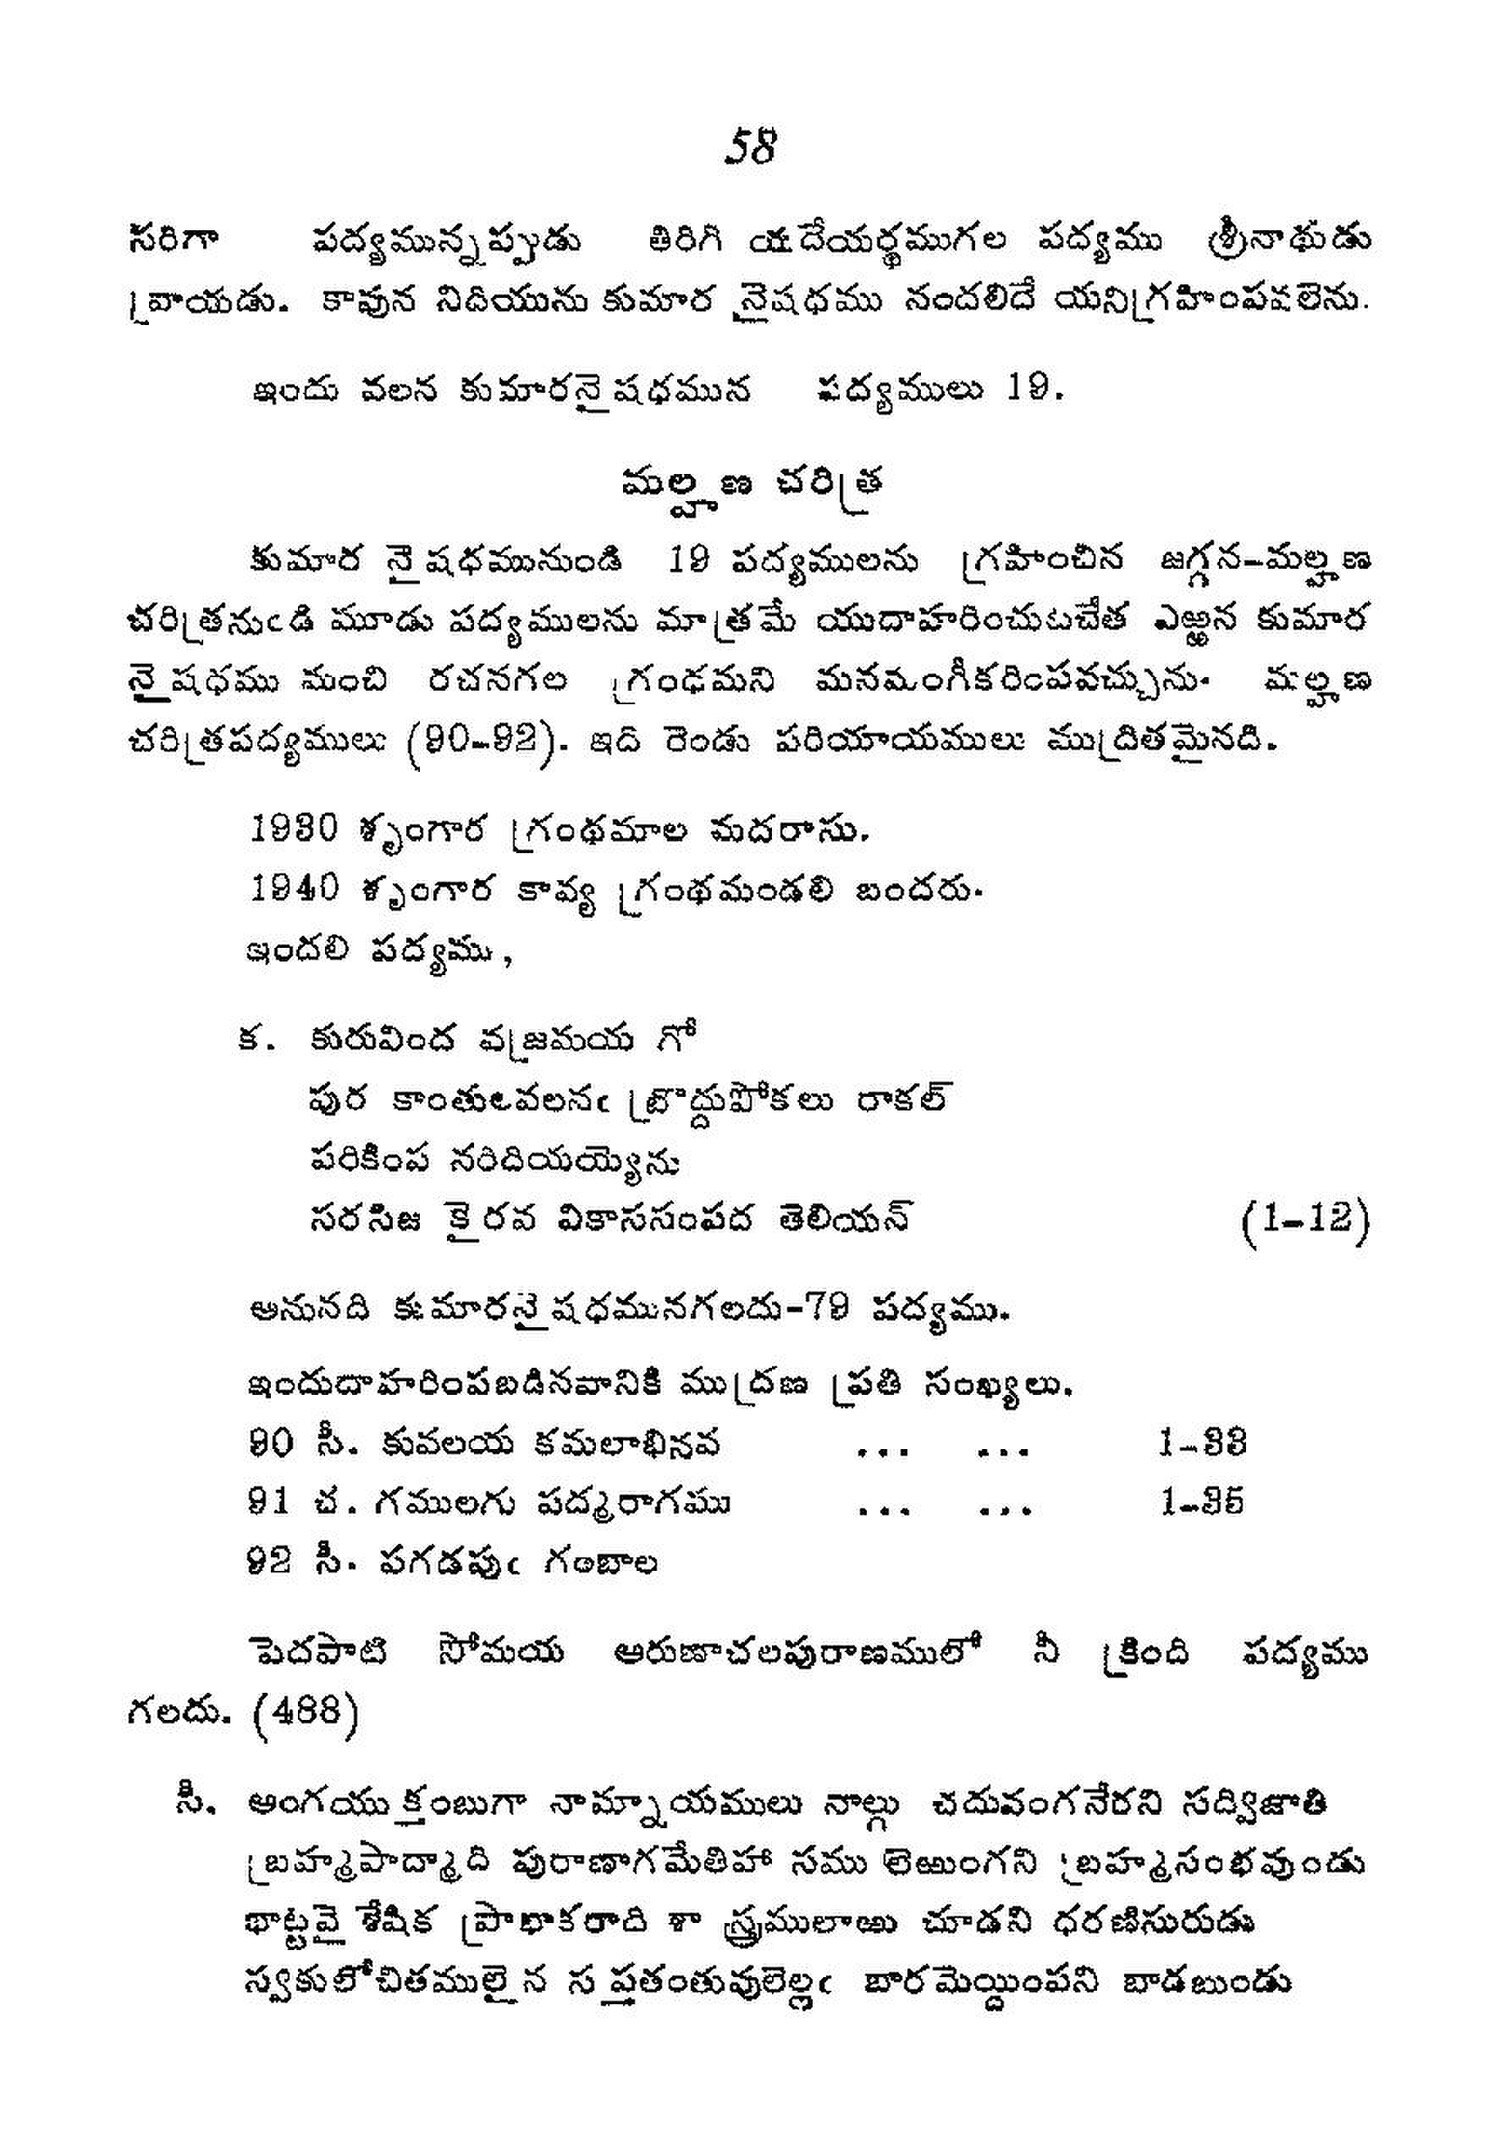సరిగా పద్యమున్నప్పుడు తిరిగి యదేయర్థముగల పద్యము శ్రీనాథుడు
వ్రాయడు. కావున నిదియును కుమార నైషధము నందలిదే యనిగ్రహింపవలెను.

ఇందు వలన కుమారనైషధమున పద్యములు 19.

కుమార నైషధమునుండి 19 పద్యములను గ్రహించిన జగ్గన-మల్టణ
చరిత్రనుండి మూడు పద్యములను మాత్రమే యుదాహరించుటచేత ఎఱ్ఱన కుమార
నైషధము నుంచి రచనగల గ్రంథమని మనమంగీకరింపవచ్చును. మల్హణ
చరిత్రపద్యములు (90-92). ఇది రెండు పరియాయములు ముద్రితమైనది.

1990 శృంగార గ్రంథమాల మదరాసు.
1940 శృంగార కావ్య గ్రంథమండలి బందరు.
ఇందలి పద్యము

క. కురువింద వజ్రమయ గో
పుర కాంతులవలనఁ బ్రొద్దుపోకలు రాకల్
పరికింప నరిదియయ్యెను
సరసిజ కైరవ వికాససంపద తెలియన్ ...........(1-12)

అనునది కుమారనైషధమునగలదు-79 పద్యము.

ఇందుదాహరింపబడినవానికి ముద్రణ ప్రతీ సంఖ్యలు,
90 సీ. కువలయ కమలాభినవ ..............1-33
91 చ.గములగు పద్మరాగము ..............1-35
92 సి. పగడపుఁ గంబాల 

పెదపాటి సోమయ అరుణాచలపురాణములో నీ క్రింది పద్యము
గలదు. (488)

సి, అంగయు క్తంబుగా నామ్నాయములు నాల్గు చదువంగ నేరని సద్విజాతి
బ్రహ్మపాద్మాది పురాణాగమేతిహా సము లెఱుంగని బ్రహ్మసంభవుండు
థాట్టవై శేషిక ప్రాధాకరాది శా స్త్రములాఱు చూడని ధరణిసురుడు
స్వకులోచితములైన సప్తతంతువులెల్లఁ బార మేమింపని బాడ బుండు